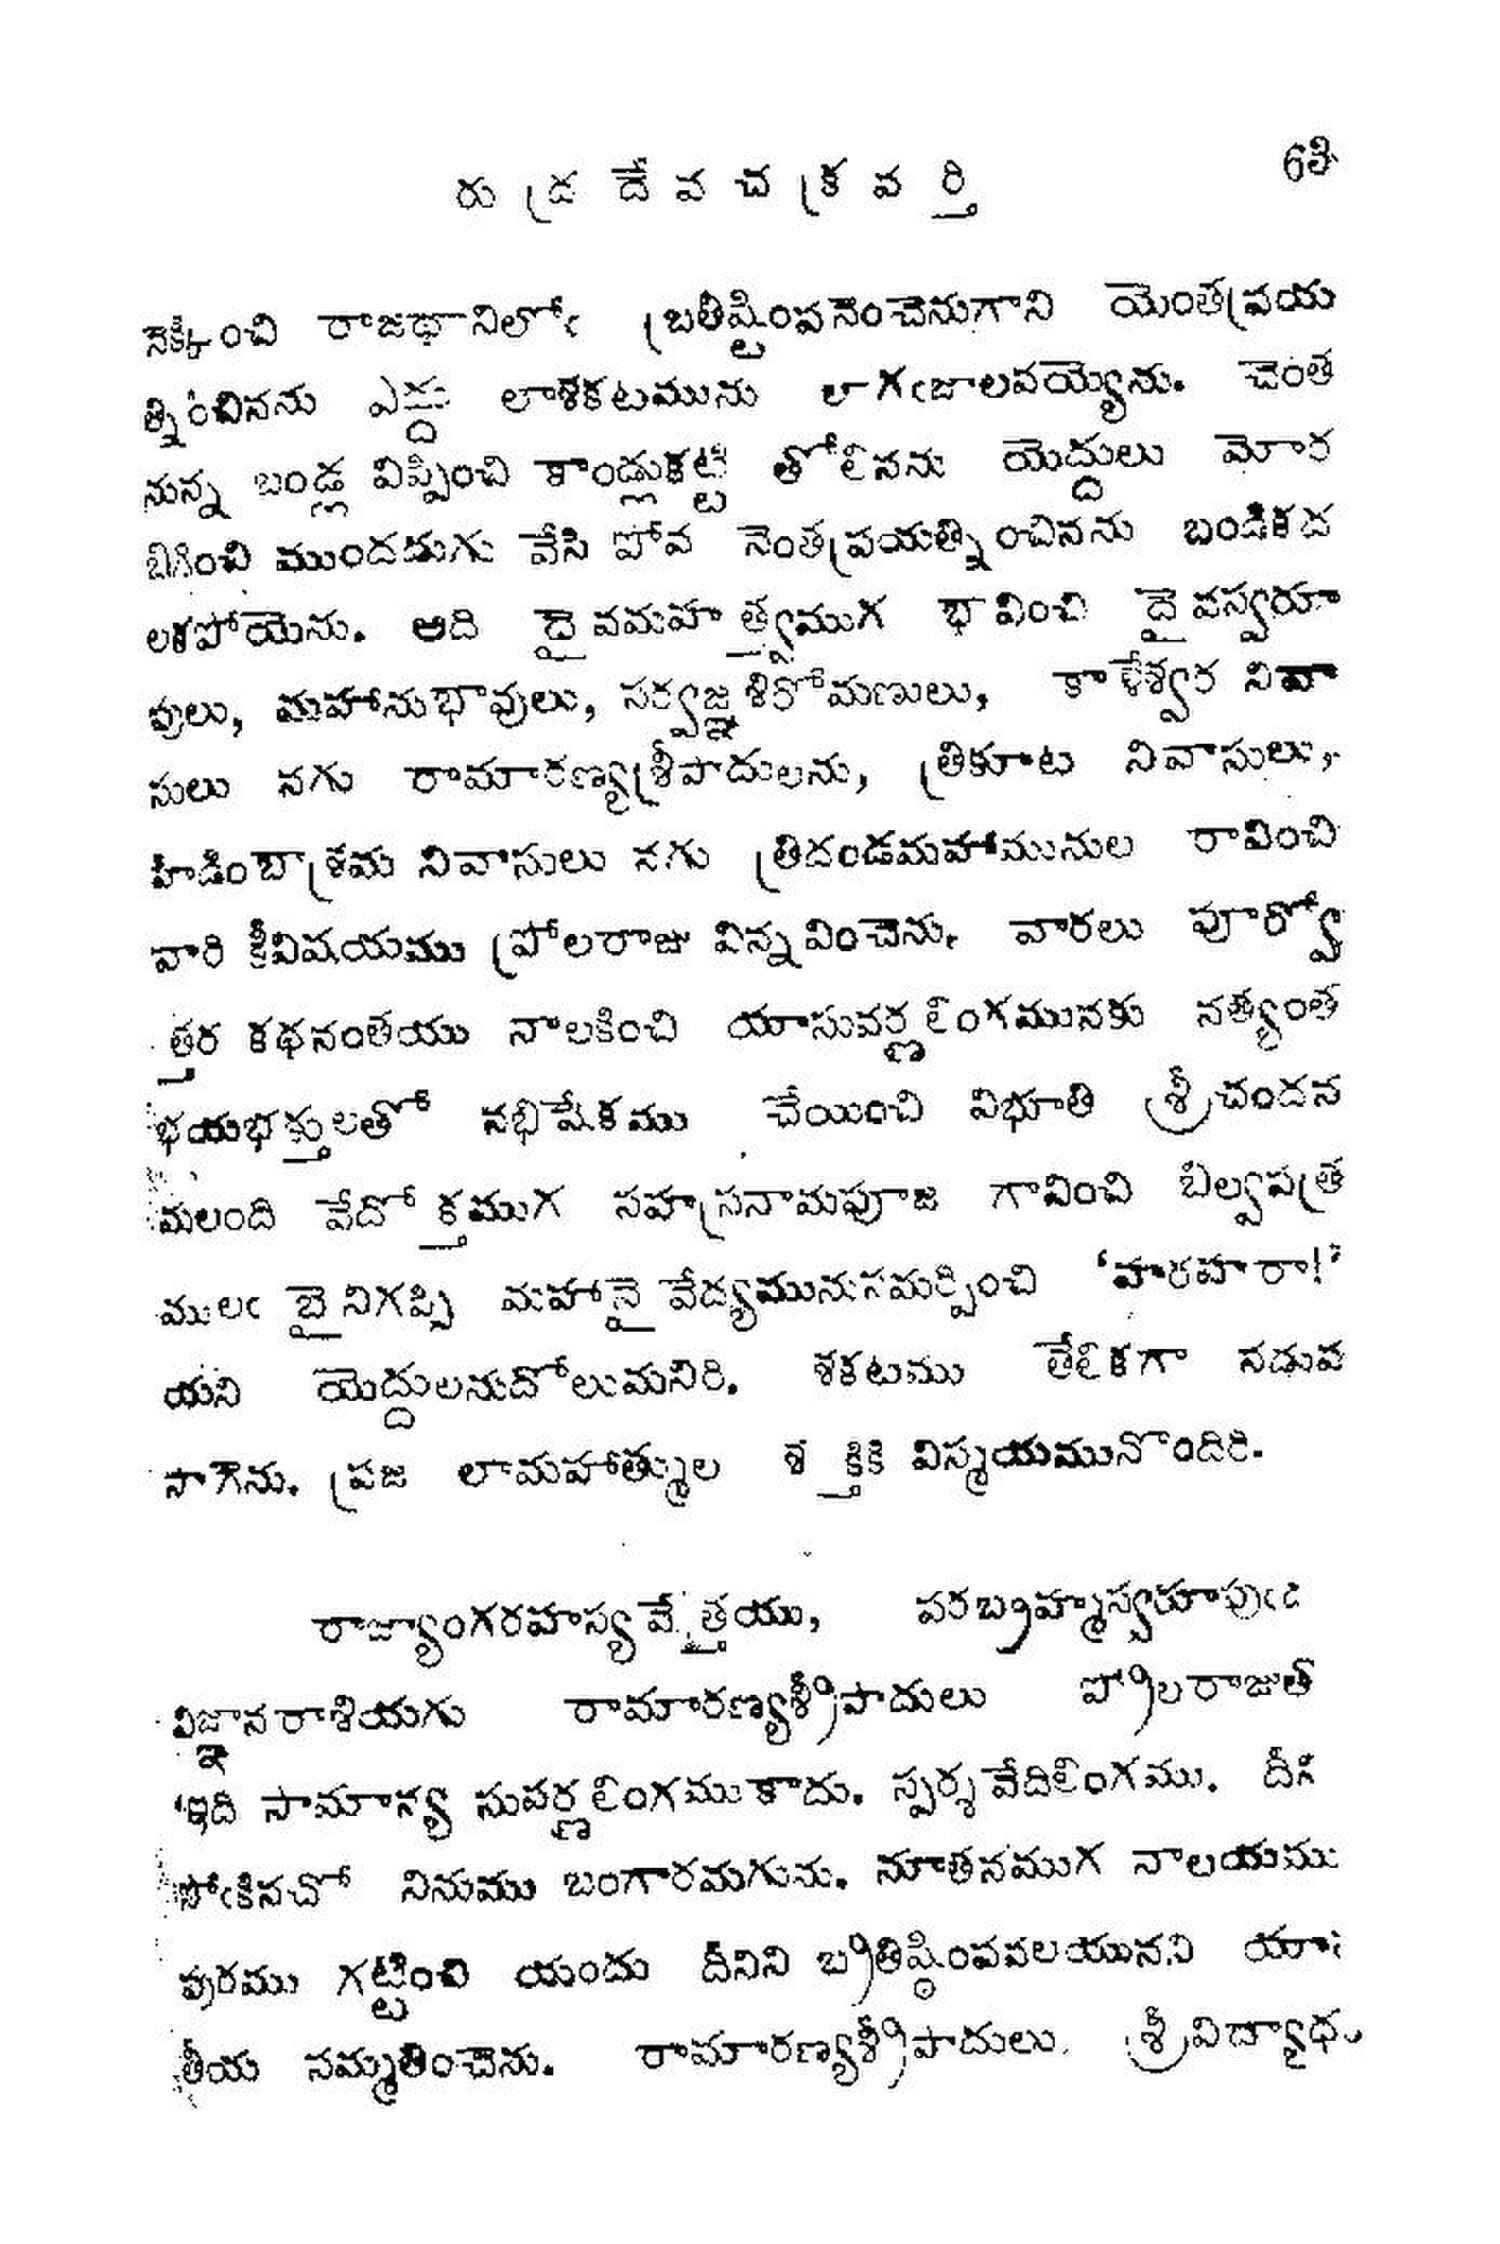నెక్కించి రాజధానిలో బ్రతిష్టింపనెంచెనుగాని యెంతప్రయత్నించినను ఎద్దు లాశకటమును లాగజాలవయ్యెను. చెంత నున్న బండ్ల విప్పించి కాండ్లుకట్టి తోలినను యెద్దులు మోర బిగించి ముందడుగు వేసి పోవ నెంత ప్రయత్నించినను బండి కదలకపోయెను. అది దైవమహత్త్వముగ భావించి దైవస్వరూపులు, మహానుభావులు, సర్వజ్ఞశిరోమణులు, కాళేశ్వర నివాసులు నగు రామారణ్య శ్రీపాదులను, త్రికూట నివాసులు, హిడింబాశ్రమ నివాసులు నగు త్రిదండమహామునుల రావించి వారి కీవిషయము ప్రోలరాజు విన్నవించెను. వారలు పూర్వోత్తర కథనంతయు నాలకించి యాసువర్ణలింగమునకు నత్యంత భయభక్తులతో నభిషేకము చేయించి విభూతి శ్రీచందన మలంది వేదోక్తముగ సహస్రనామపూఝ గావించి బిల్వపత్రముల బైనిగప్పి మహానైవేద్యమును సమర్పించి 'హరహరా!' యని యెద్దులను దోలుమనిరి. శకటము తేలికగా నడువ సాగెను. ప్రజ లామహాత్ముల శక్తికి విస్మయమునొందిరి.

రాజ్యాంగరహస్యవేత్తయు, పరబ్రహ్మస్వరూపుడు, విజ్ఞానరాశియగు రామారణ్యశ్రీపాదులు ప్రోలరాజుతో 'ఇది సామాన్య సువర్ణలింగము కాదు. స్పర్శవేదలింగము. దీనిని సోకినచో నినుము బంగారమగును. నూతనముగ నాలయముగో పురము గట్టించి యందు దీనిని బ్రతిష్ఠింపవలయునని యాత తీయ సమ్మతించెను. రామారణ్యశ్రీపాదులు శ్రీవిద్యాధర